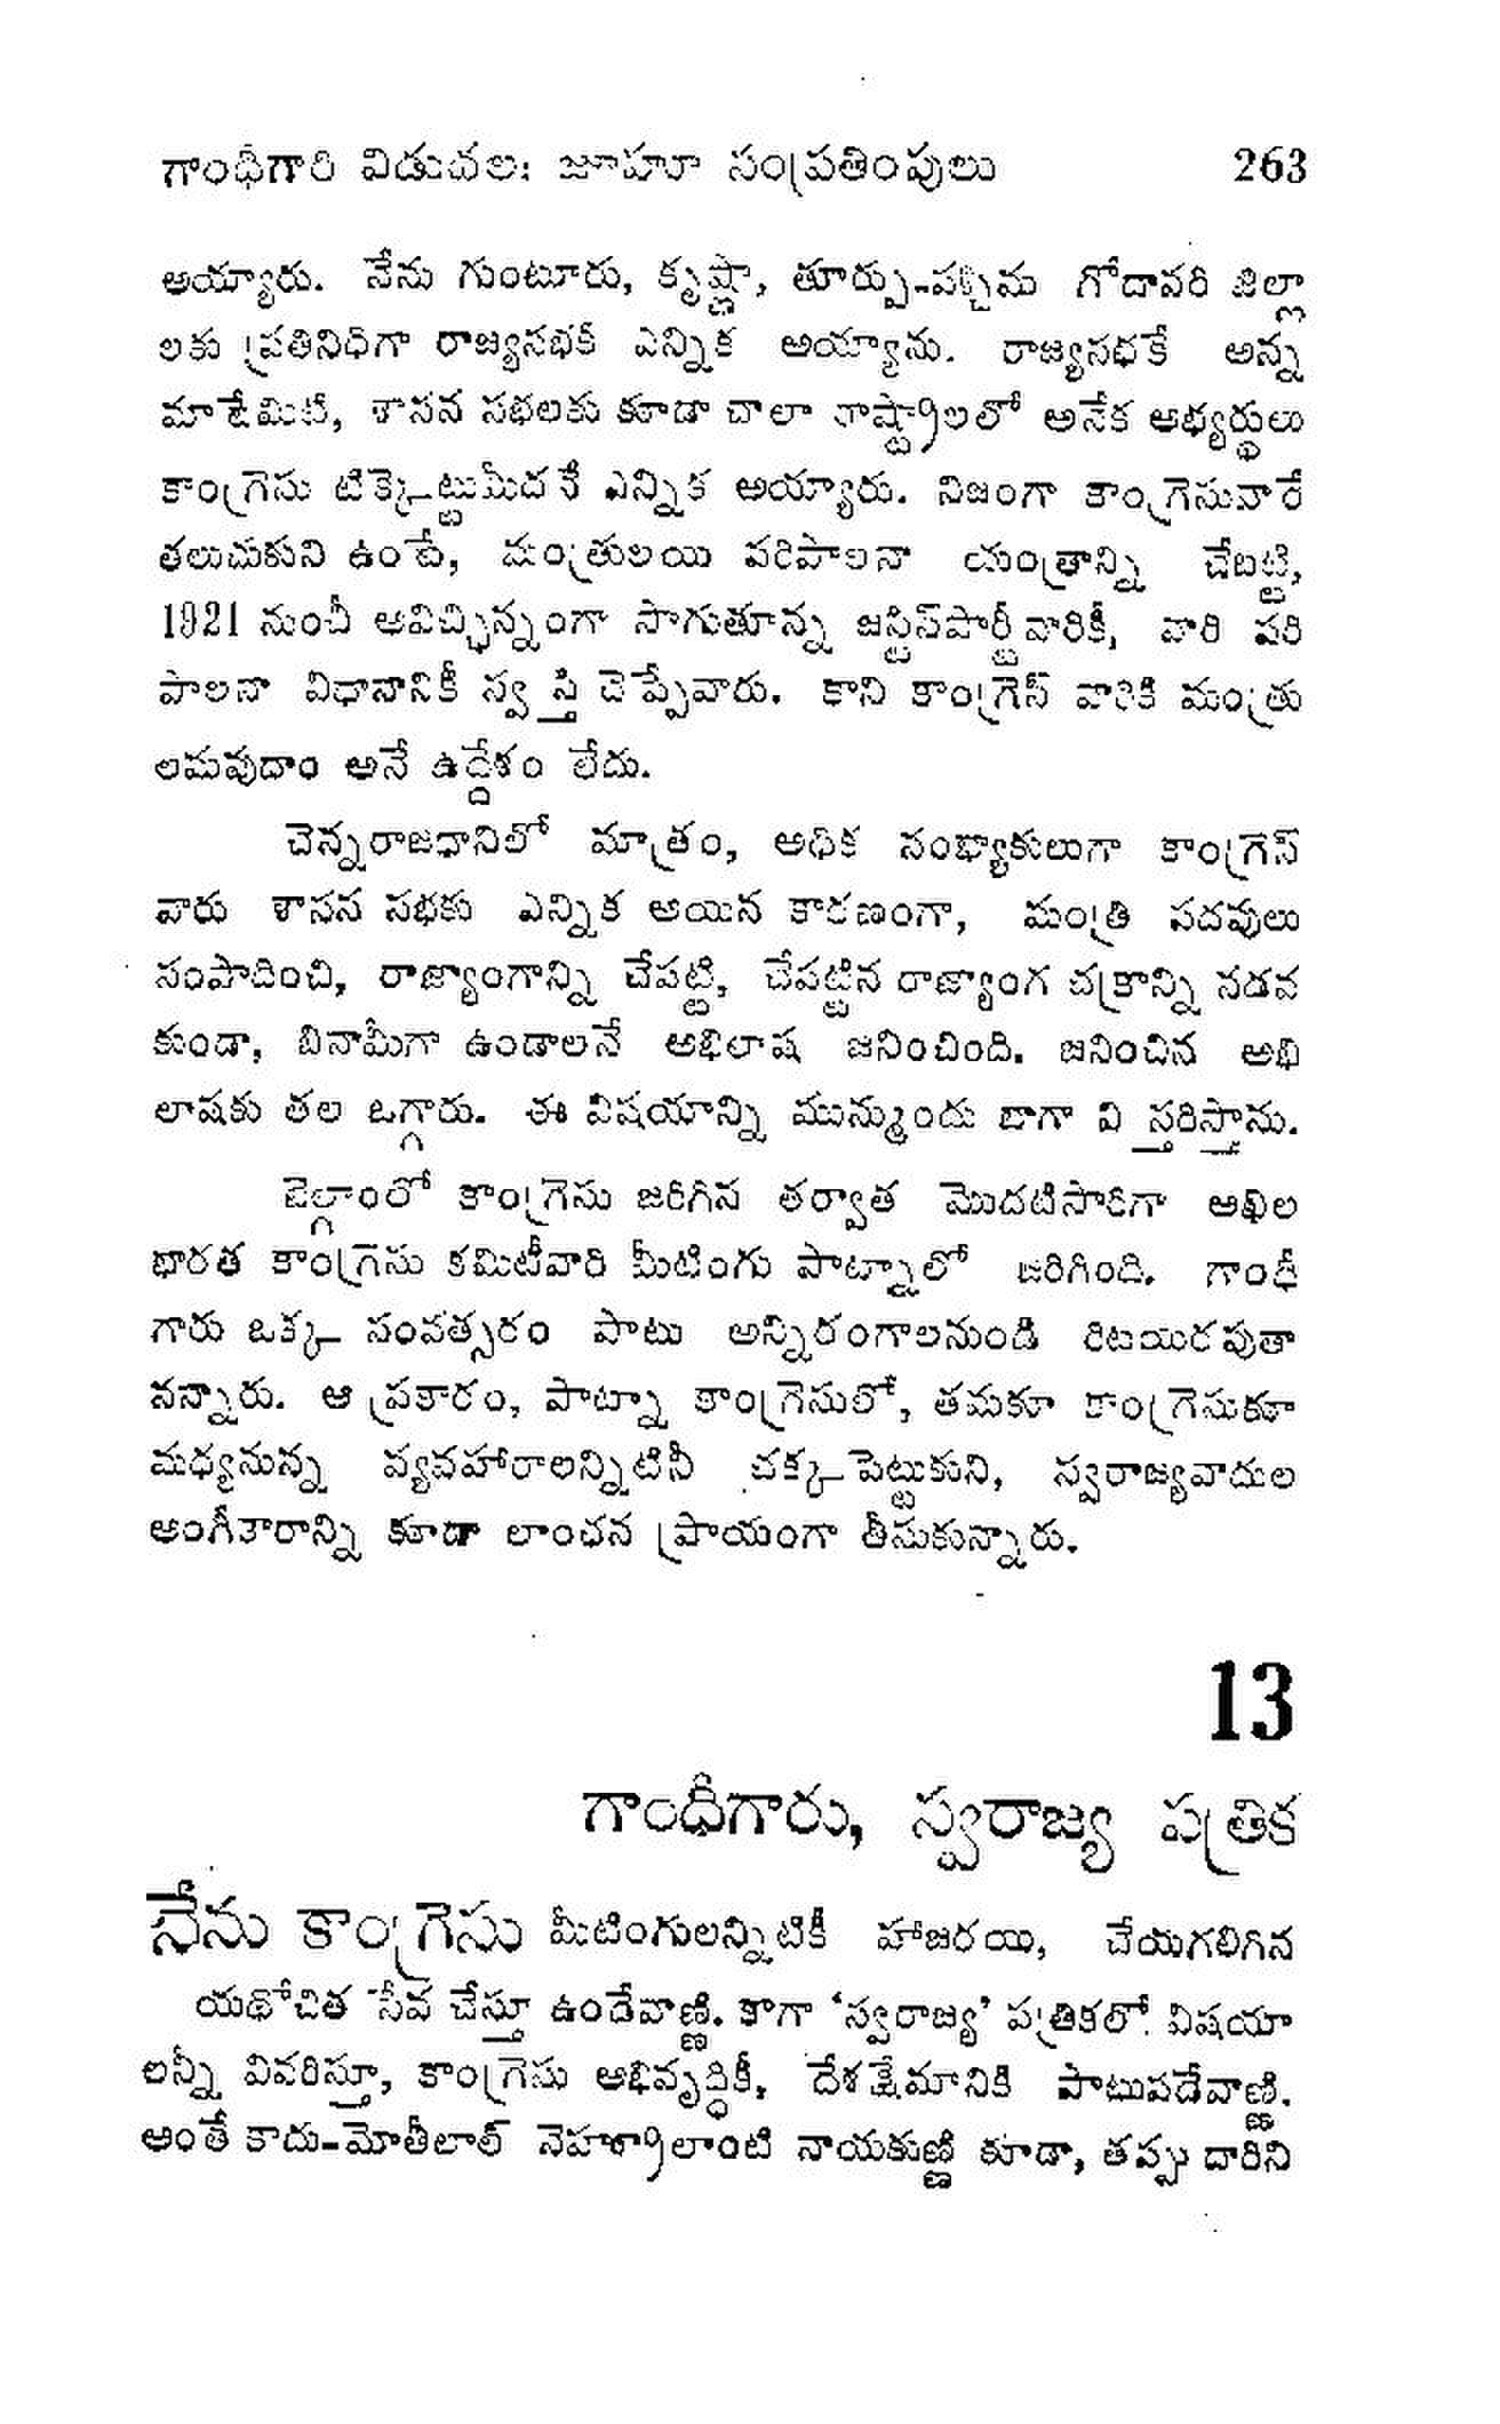అయ్యారు. నేను గుంటూరు, కృష్ణా, తూర్పు-పశ్చిమ గోదావరి జిల్లాలకు ప్రతినిధిగా రాజ్యసభికి ఎన్నిక అయ్యాను. రాజ్యసభకే అన్న మాటేమిటి, శాసన సభలకు కూడా చాలా రాష్ట్రాలలో అనేక అభ్యర్థులు కాంగ్రెసు టిక్కట్టుమీదనే ఎన్నిక అయ్యారు. నిజంగా కాంగ్రెసువారే తలుచుకుని ఉంటే, మంత్రులయి పరిపాలనా యంత్రాన్ని చేబట్టి, 1921 నుంచీ అవిచ్చిన్నంగా సాగుతూన్న జస్టిస్‌పార్టీ వారికీ, వారి పరిపాలనా విధానానికీ స్వస్తి చెప్పేవారు. కాని కాంగ్రెస్ వారికి మంత్రు లమవుదాం అనే ఉద్దేశం లేదు.

చెన్నరాజధానిలో మాత్రం, అధిక సంఖ్యాకులుగా కాంగ్రెస్ వారు శాసన సభకు ఎన్నిక అయిన కారణంగా, మంత్రి పదవులు సంపాదించి, రాజ్యాంగాన్ని చేపట్టి, చేపట్టిన రాజ్యాంగ చక్రాన్ని నడపకుండా, బినామీగా ఉండాలనే అభిలాష జనించింది. జనించిన అభిలాషకు తల ఒగ్గారు. ఈ విషయాన్ని మున్ముందు బాగా విస్తరిస్తాను.

బెల్గాంలో కాంగ్రెసు జరిగిన తర్వాత మొదటిసారిగా అఖిల భారత కాంగ్రెసు కమిటీవారి మీటింగు పాట్నాలో జరిగింది. గాంధీగారు ఒక్క సంవత్సరం పాటు అన్నిరంగాల నుండి రిటయిరవుతానన్నారు. ఆ ప్రకారం , పాట్నా కాంగ్రెసులో, తమకూ కాంగ్రెసుకూ మధ్యనున్న వ్యవహారాలన్నిటినీ చక్క పెట్టుకుని, స్వరాజ్యవాదుల అంగీకారాన్ని కూడా లాంచన ప్రాయంగా తీసుకున్నారు.

నేను కాంగ్రెసు మీటింగులన్నిటికీ హాజరయి, చేయగలిగిన యథోచిత సేవచేస్తూ ఉండేవాణ్ణి. కాగా "స్వరాజ్య" పత్రికలో విషయాలన్నీ వివరిస్తూ, కాంగ్రెసు అభివృద్ధికీ, దేశక్షేమానికి పాటుబడేవాణ్ణి. అంతేకాదు-మోతిలాల్ నెహ్రూలాంటి నాయకుణ్ణి కూడా, తప్పుదారిని